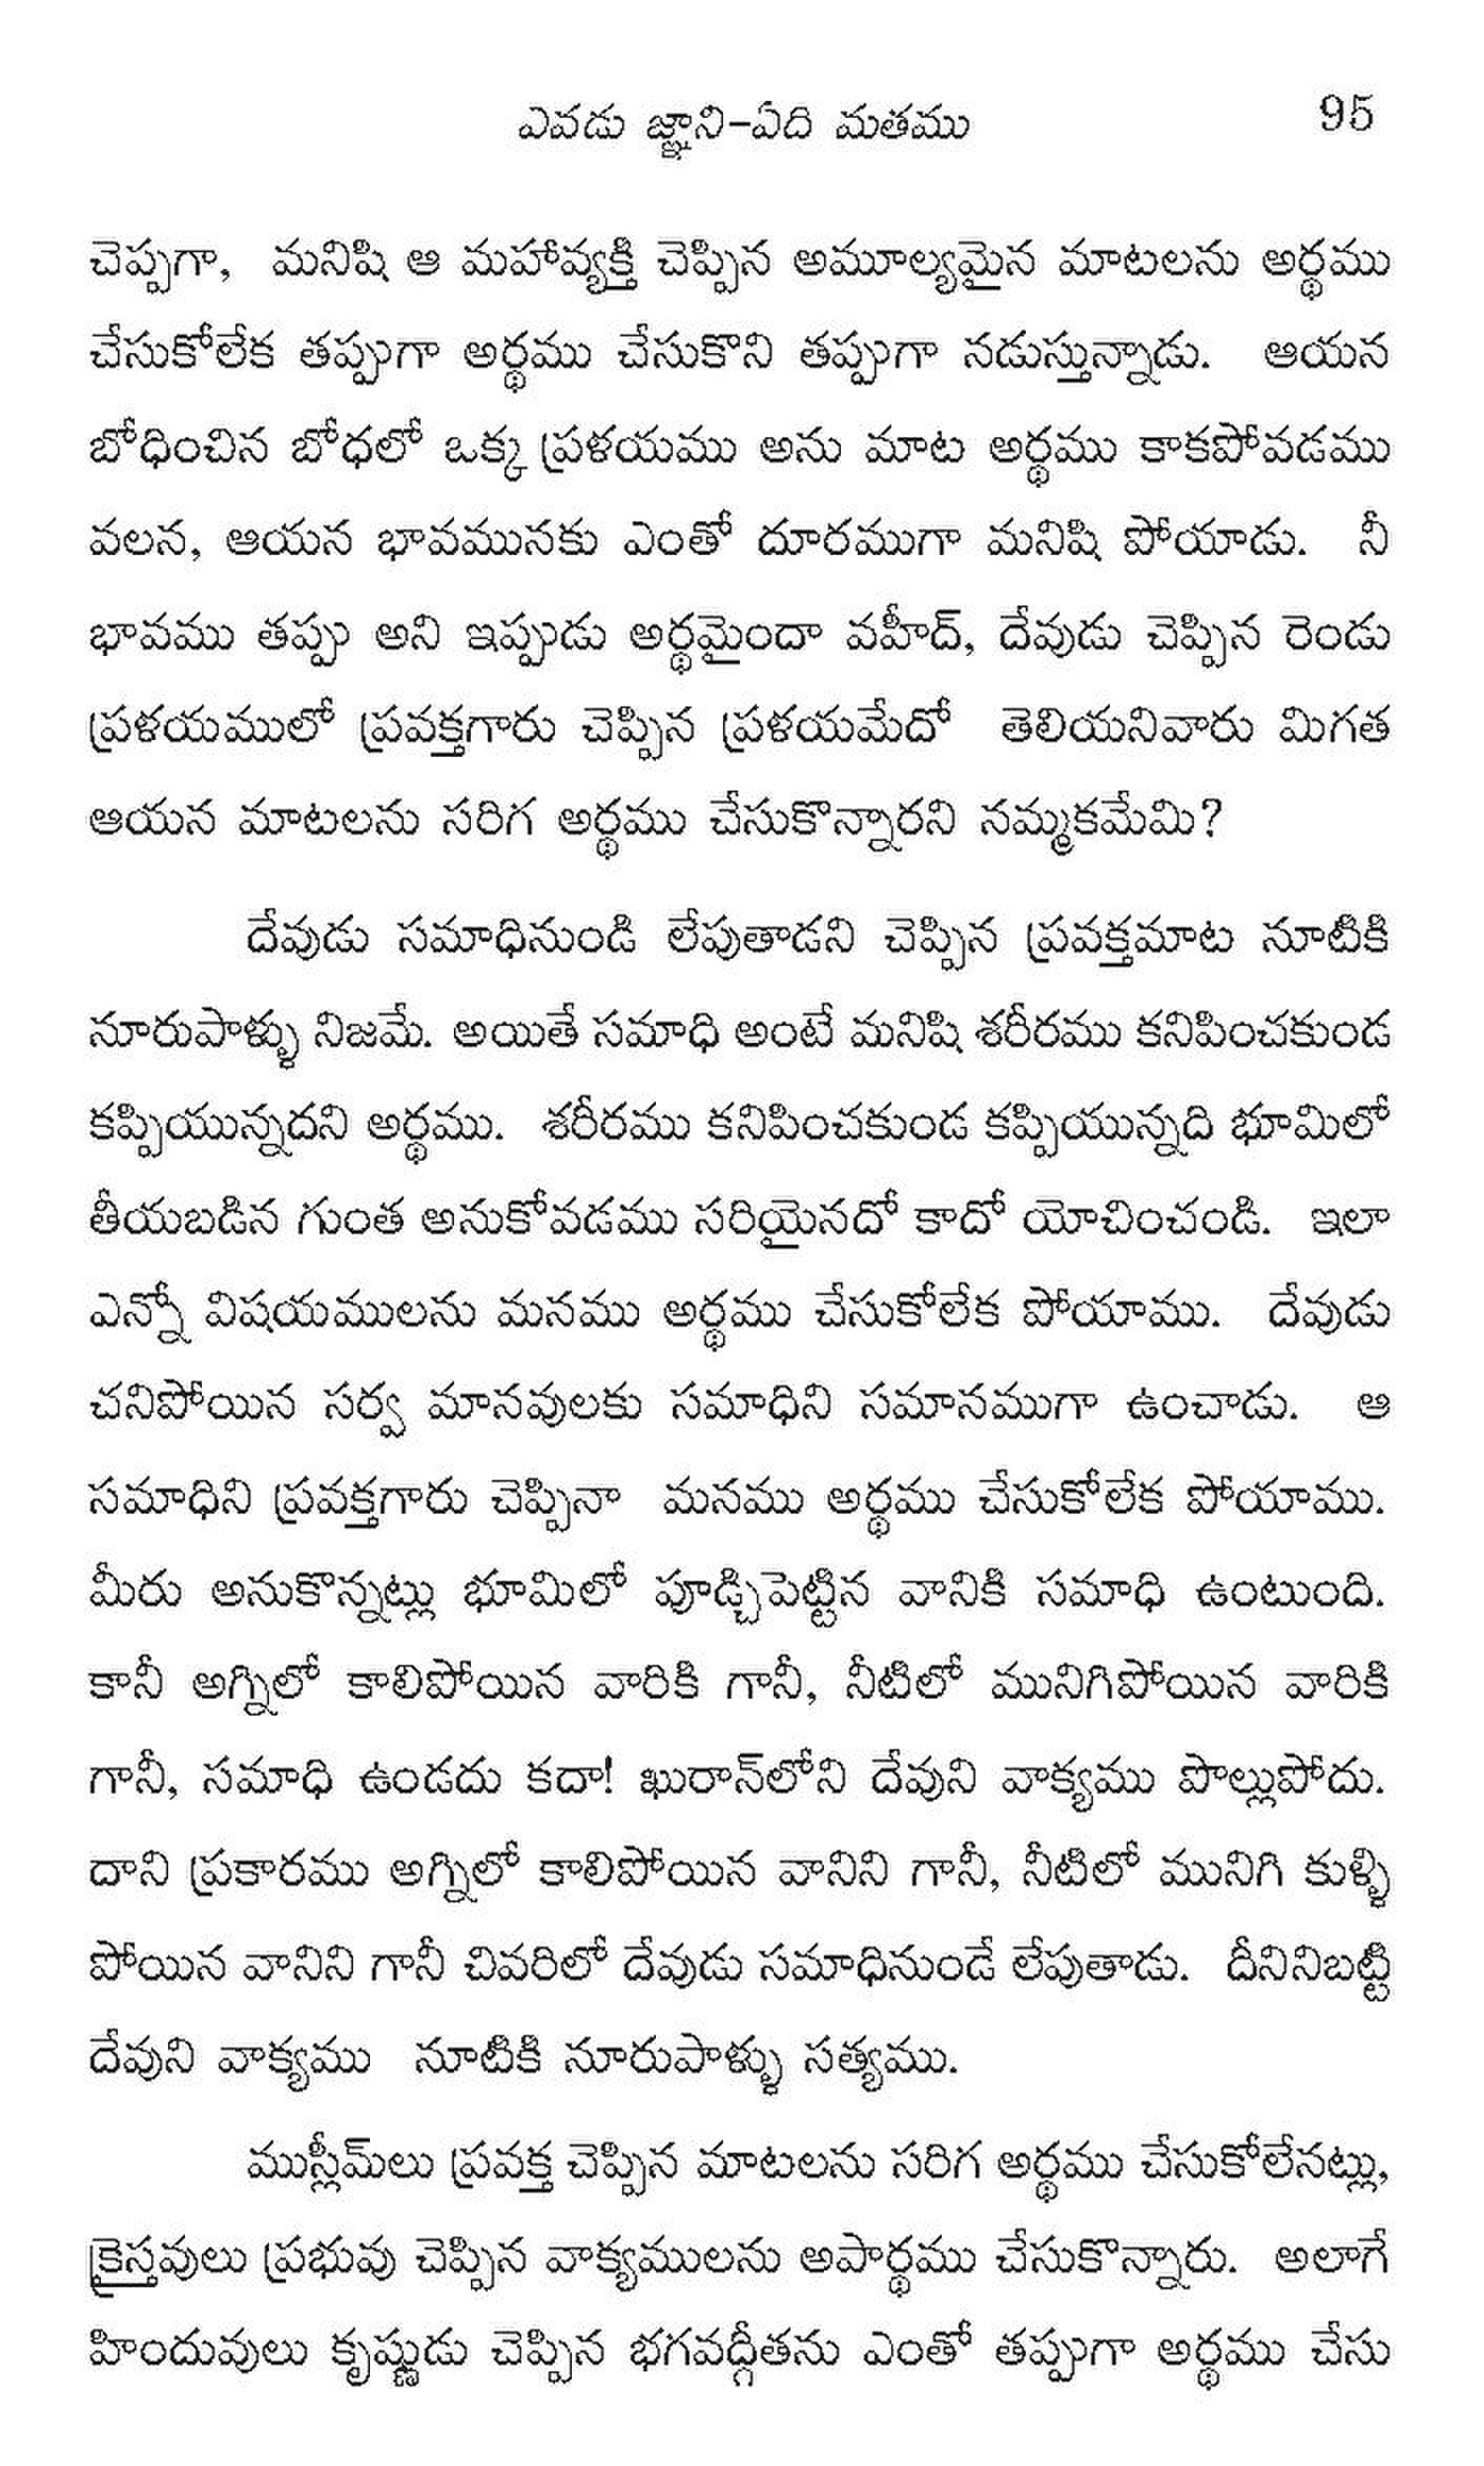చెప్పగా, మనిషి ఆ మహావ్యక్తి చెప్పిన అమూల్యమైన మాటలను అర్థము చేసుకోలేక తప్పుగా అర్థము చేసుకొని తప్పుగా నడుస్తున్నాడు. ఆయన బోధించిన బోధలో ఒక్క ప్రళయము అను మాట అర్థము కాకపోవడము వలన, ఆయన భావమునకు ఎంతో దూరముగా మనిషి పోయాడు. నీ భావము తప్పు అని ఇప్పుడు అర్థమైందా వహీద్‌, దేవుడు చెప్పిన రెండు ప్రళయములో ప్రవక్తగారు చెప్పిన ప్రళయమేదో తెలియనివారు మిగత ఆయన మాటలను సరిగ అర్థము చేసుకొన్నారని నమ్మకమేమి?

దేవుడు సమాధినుండి లేపుతాడని చెప్పిన ప్రవక్తమాట నూటికి నూరుపాళ్ళు నిజమే. అయితే సమాధి అంటే మనిషి శరీరము కనిపించకుండ కప్పియున్నదని అర్థము. శరీరము కనిపించకుండ కప్పియున్నది భూమిలో తీయబడిన గుంత అనుకోవడము సరియైనదో కాదో యోచించండి. ఇలా ఎన్నో విషయములను మనము అర్థము చేసుకోలేక పోయాము. దేవుడు చనిపోయిన సర్వ మానవులకు సమాధిని సమానముగా ఉంచాడు. ఆ సమాధిని ప్రవక్తగారు చెప్పినా మనము అర్థము చేసుకోలేక పోయాము. మీరు అనుకొన్నట్లు భూమిలో పూడ్చిపెట్టిన వానికి సమాధి ఉంటుంది. కానీ అగ్నిలో కాలిపోయిన వారికి గానీ, నీటిలో మునిగిపోయిన వారికి గానీ, సమాధి ఉండదు కదా! ఖురాన్‌లోని దేవుని వాక్యము పొల్లుపోదు. దాని ప్రకారము అగ్నిలో కాలిపోయిన వానిని గానీ, నీటిలో మునిగి కుళ్ళి పోయిన వానిని గానీ చివరిలో దేవుడు సమాధినుండే లేపుతాడు. దీనినిబట్టి దేవుని వాక్యము నూటికి నూరుపాళ్ళు సత్యము.

ముస్లీమ్‌లు ప్రవక్త చెప్పిన మాటలను సరిగ అర్థము చేసుకోలేనట్లు, క్రైస్తవులు ప్రభువు చెప్పిన వాక్యములను అపార్థము చేసుకొన్నారు. అలాగే హిందువులు కృష్ణుడు చెప్పిన భగవద్గీతను ఎంతో తప్పుగా అర్థము చేసు